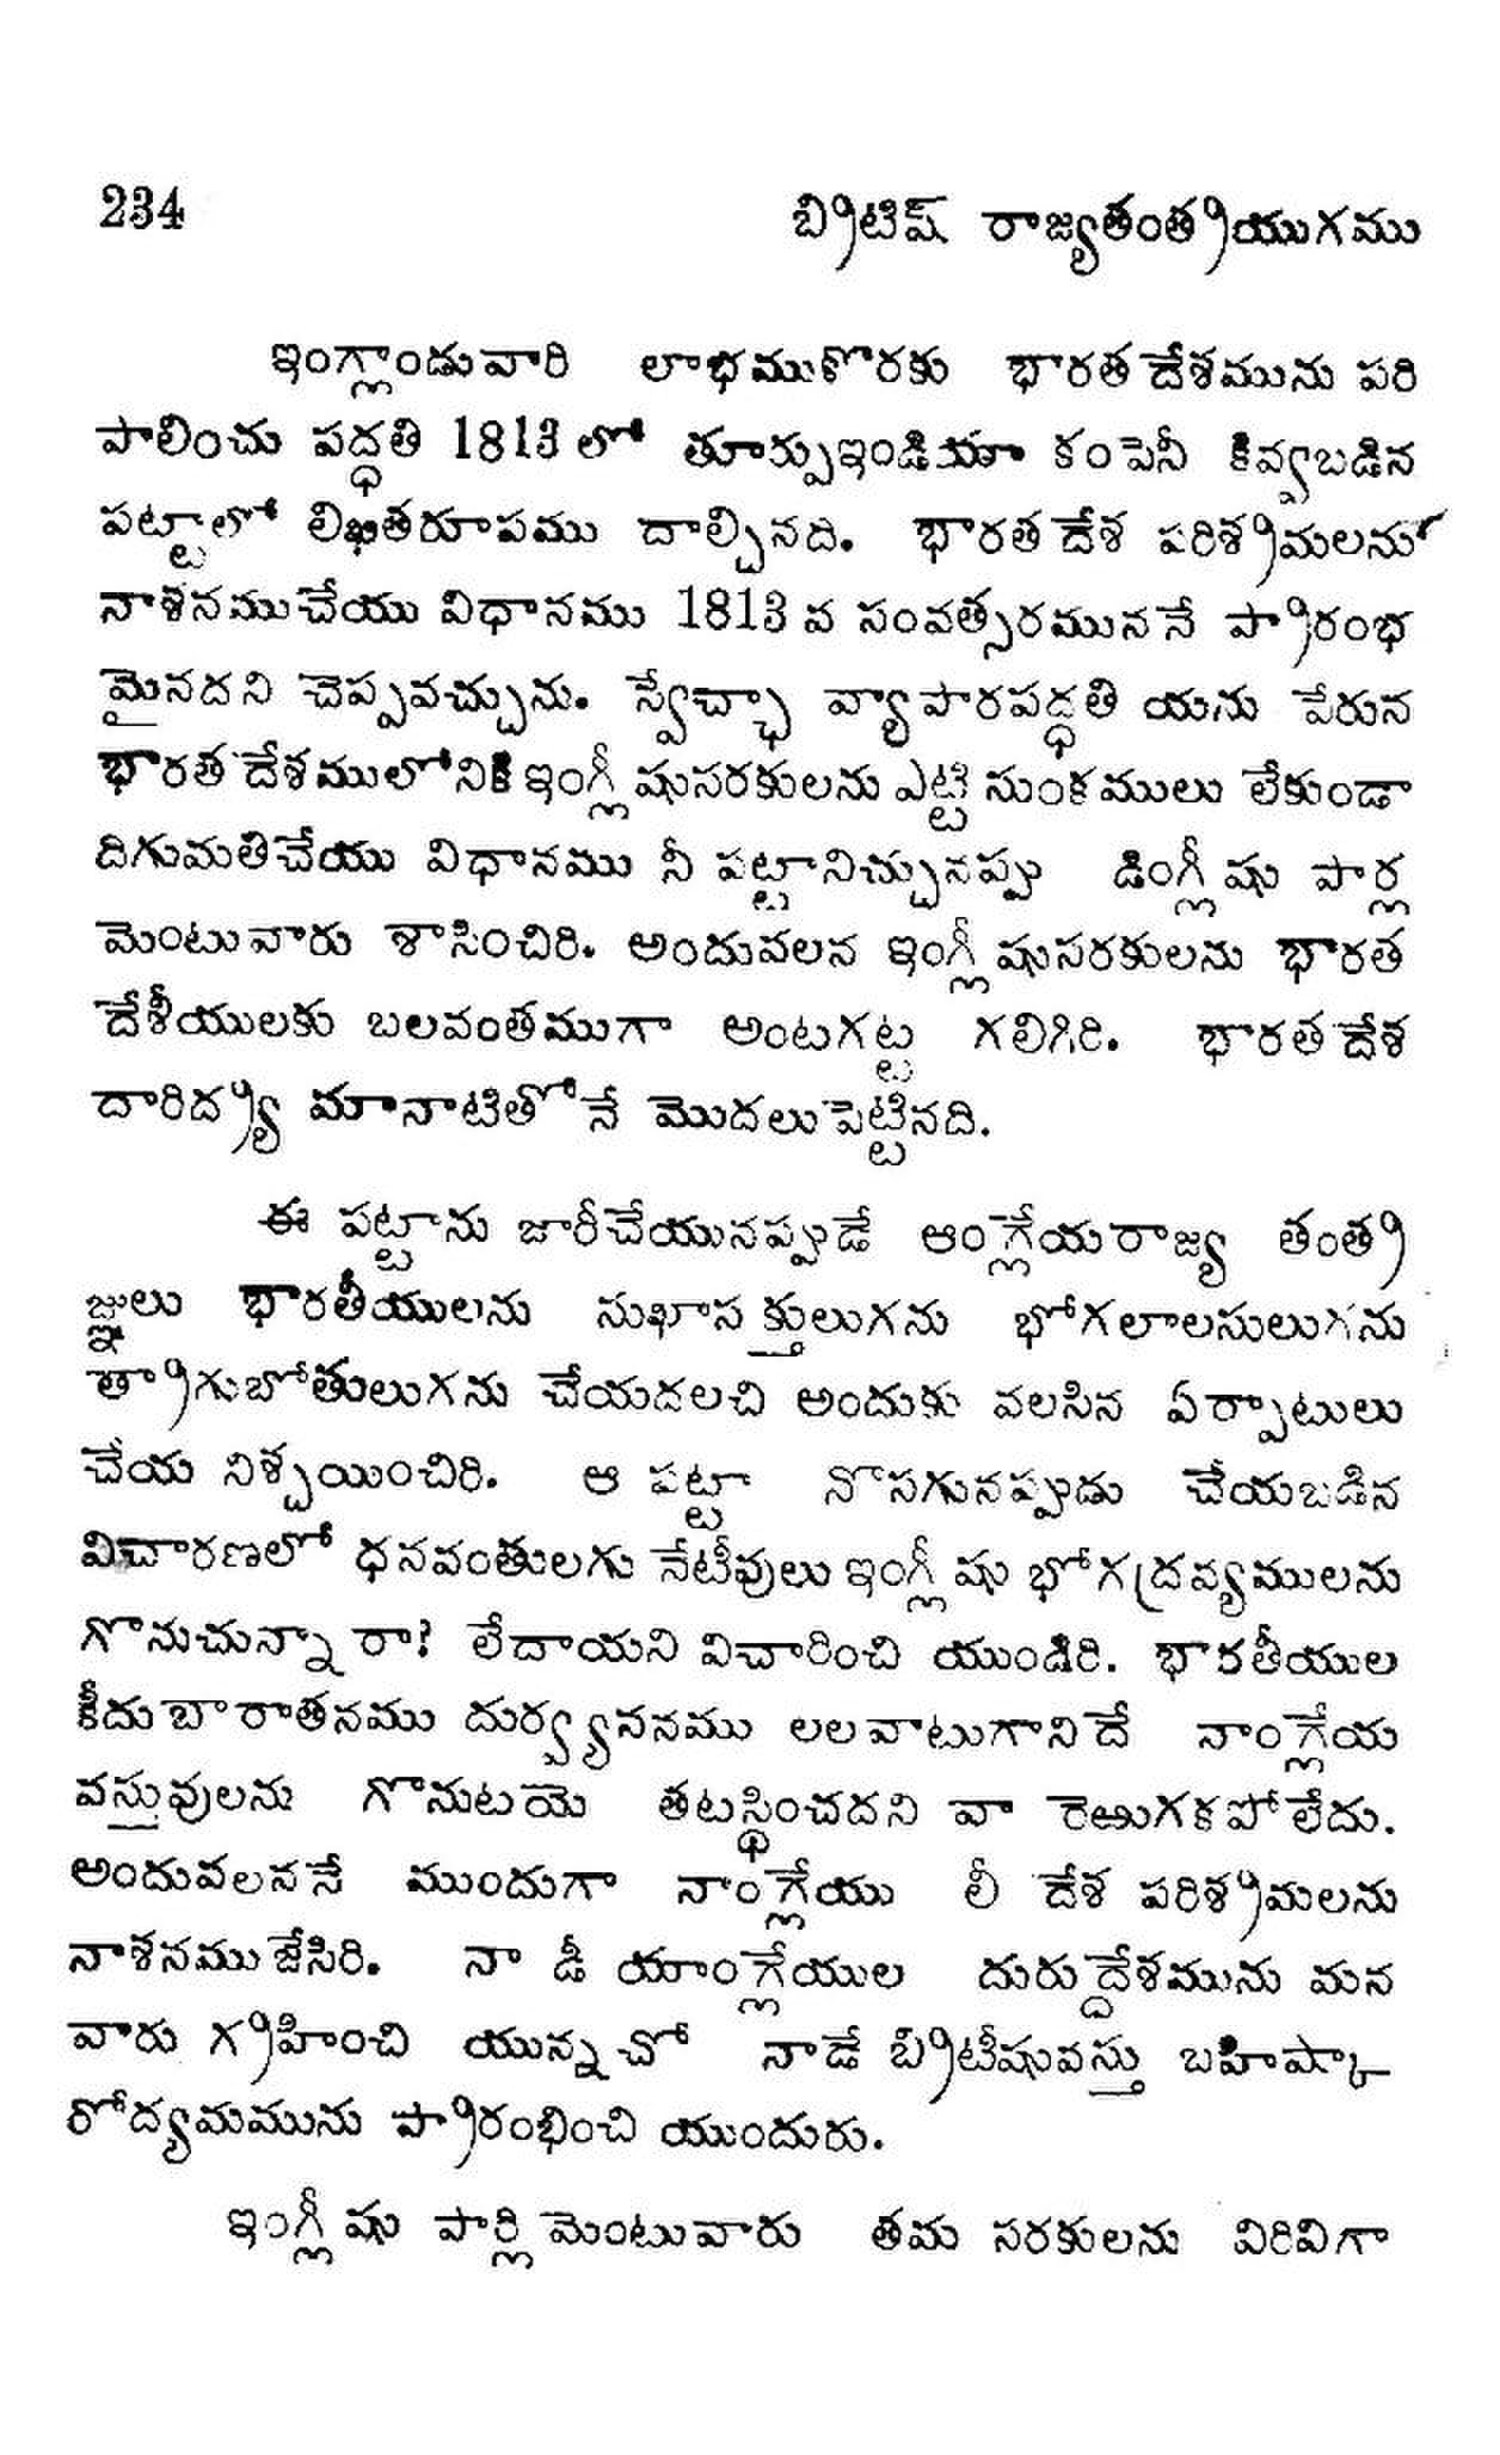ఇంగ్లాండువారి లాభముకొరకు భారతదేశమును పరిపాలించు పద్దతి 1813 లో తూర్పు ఇండియా కంపెనీ కివ్వబడిన పట్టాలో లిఖితరూపము దాల్చినది. భారతదేశ పరిశ్రమలను నాశనముచేయు విధానము 1813 వ సంవత్సరముననే ప్యారంభమైనదని చెప్పవచ్చును. స్వేచ్చా వ్యాపారపద్ధతి యను పేరున భారతదేశములోనికి ఇంగ్లీషుసరకులను ఎట్టి సుంకములు లేకుండా దిగుమతిచేయు విధానము నీ పట్టానిచ్చునప్పు డింగ్లీషు పార్లమెంటువారు శాసించిరి. అందువలన ఇంగ్లీషు సరకులను భారతదేశీయులకు బలవంతముగా అంటగట్ట గలిగిరి. భారతదేశ దారిద్ర్య మానాటితోనే మొదలుపెట్టినది.

ఈ పట్టాను జారీచేయునప్పుడే ఆంగ్లేయరాజ్య తంత్రజ్ఞులు భారతీయులను సుఖాసక్తులుగను భోగలాలసులుగను త్రాగుబోతులుగను చేయదలచి అందుకు వలసిన ఏర్పాటులు చేయ నిశ్చయించిరి. ఆ పట్టా నొసగునప్పుడు చేయబడిన విచారణలో ధనవంతులగు నేటీవులు ఇంగ్లీషు భోగద్రవ్యములను గొనుచున్నారా? లేదాయని విచారించి యుండిరి. భారతీయుల కీదుబారాతనము దుర్వ్యసనము లలవాటుగానిదే నాంగ్లేయ వస్తువులను గొనుటయె తటస్థించదని వా రెఱుగకపోలేదు. అందువలననే ముందుగా నాంగ్లేయు లీ దేశ పరిశ్రమలను నాశనముజేసిరి. నా డీ యాంగ్లేయుల దురుద్దేశమును మనవారు గ్రహించి యున్నచో నాడే బ్రిటీషువస్తు బహిష్కారోద్యమమును ప్రారంభించి యుందురు.

ఇంగ్లీషు పార్లిమెంటువారు తమ సరకులను విరివిగా